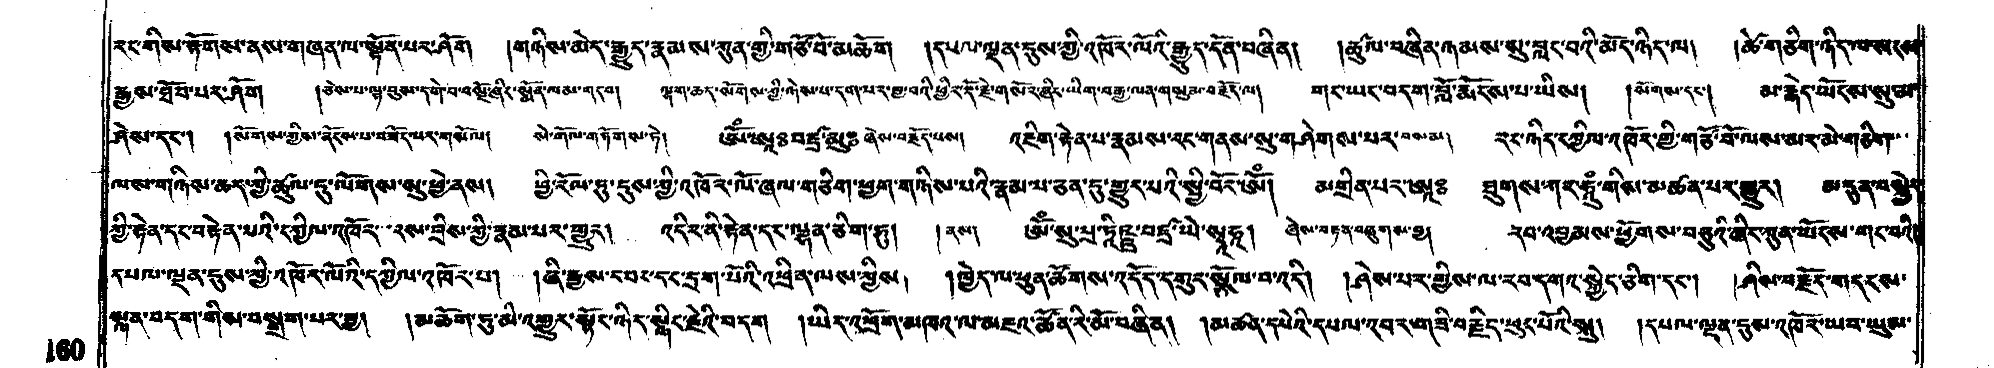རང་གིས་རྟོགས་ནས་གཞན་ལ་སྟོན་པར་ཤོག །གཉིས་མེད་རྒྱུད་རྣམས་ཀུན་གྱི་གཙོ་བོ་མཆོག །དཔལ་ལྡན་དུས་ཀྱི་འཁོར་ལོའི་རྒྱུད་དོན་བཞིན། །ཚུལ་བཞིན་ཉམས་སུ་བླང་བའི་མོད་ཉིད་ལ། །ཚེ་གཅིག་ཉིད་ལ་སངས་
རྒྱས་ཐོབ་པར་ཤོག ། ཅེས་པ་ལྟ་བུས་དགེ་བ་བསྔོ་ཞིང་སྨོན་ལམ་གདབ། ལྷག་ཆད་སོགས་ཀྱི་ཉེས་པ་དག་པར་བྱ་བའི་ཕྱིར་རྡོ་རྗེ་གསོར་ཞིང་ཡིག་བརྒྱ་ལན་གསུམ་བརྗོད་ལ།  གང་ཡང་བདག་བློ་རྨོངས་པ་ཡིས། ། སོགས་དང་།  མ་རྙེད་ཡོངས་སུ་མ་
ཤེས་དང་། ། སོགས་ཀྱིས་ནོངས་པ་བཟོད་པར་གསོལ། སེ་གོལ་གཏོགས་ཏེ།  ཨོཾ་ཨཱཿ བཛྲ་མུཿ ཞེས་བརྗོད་པས།  འཇིག་རྟེན་པ་རྣམས་རང་གནས་སུ་གཤེགས་པར་བསམ།  རང་ཉིད་དཀྱིལ་འཁོར་གྱི་གཙོ་བོ་ལས་མར་མེ་གཅིག་
ལས་གཉིས་ཆད་ཀྱི་ཚུལ་དུ་ལོགས་སུ་ཕྱེ་ནས། ཕྱི་རོལ་ཏུ་དུས་ཀྱི་འཁོར་ལོ་ཞལ་གཅིག་ཕྱག་གཉིས་པའི་རྣམ་པ་ཅན་དུ་གྱུར་པའི་སྤྱི་བོར་ཨོཾ། མགྲིན་པར་ཨཱཿ ཐུགས་ཀར་ཧཱུཾ་གིས་མཚན་པར་གྱུར། མདུན་བསྐྱེད་
ཀྱི་རྟེན་དང་བརྟེན་པའི་དཀྱིལ་འཁོར་རས་བྲིས་ཀྱི་རྣམ་པར་གྱུར། འདིར་ནི་རྟེན་དང་ལྷན་ཅིག་ཏུ། ། ནས།  ཨོཾ་སུ་པྲ་ཏཱིཥཊཿཨ་བཛྲ་ཡེ་སྭཱཧཱ། ཞེས་བརྟན་བཞུགས་བྱ།  རབ་འབྱམས་ཕྱོགས་བཅུའི་ཞིང་ཀུན་ཡོངས་གང་བའི། །
དཔལ་ལྡན་དུས་ཀྱི་འཁོར་ལོའི་དཀྱིལ་འཁོར་པ། །ཞི་རྒྱས་དབང་དང་དྲག་པོའི་འཕྲིན་ལས་ཀྱིས། །ཁྱེད་ལ་ཕུན་ཚོགས་འདོད་དགུར་སྩོལ་བ་འདི། །ཤེས་པར་གྱིས་ལ་རབ་དགའ་སྐྱེད་ཅིག་དང་། །ཤིས་བརྗོད་གདངས་
སྙན་བདག་གིས་བསྒྲག་པར་བྱ། །མཆོག་ཏུ་མི་འགྱུར་སྟོང་ཉིད་སྙིང་རྗེའི་བདག །ཡིད་འཕྲོག་མཁའ་ལ་མཇའ་ཚོན་རི་མོ་བཞིན། །མཚན་དཔེའི་དཔལ་འབར་གཟི་བརྗིད་ཕུང་པོའི་སྐུ། །དཔལ་ལྡན་དུས་འཁོར་ཡབ་ཡུམ་